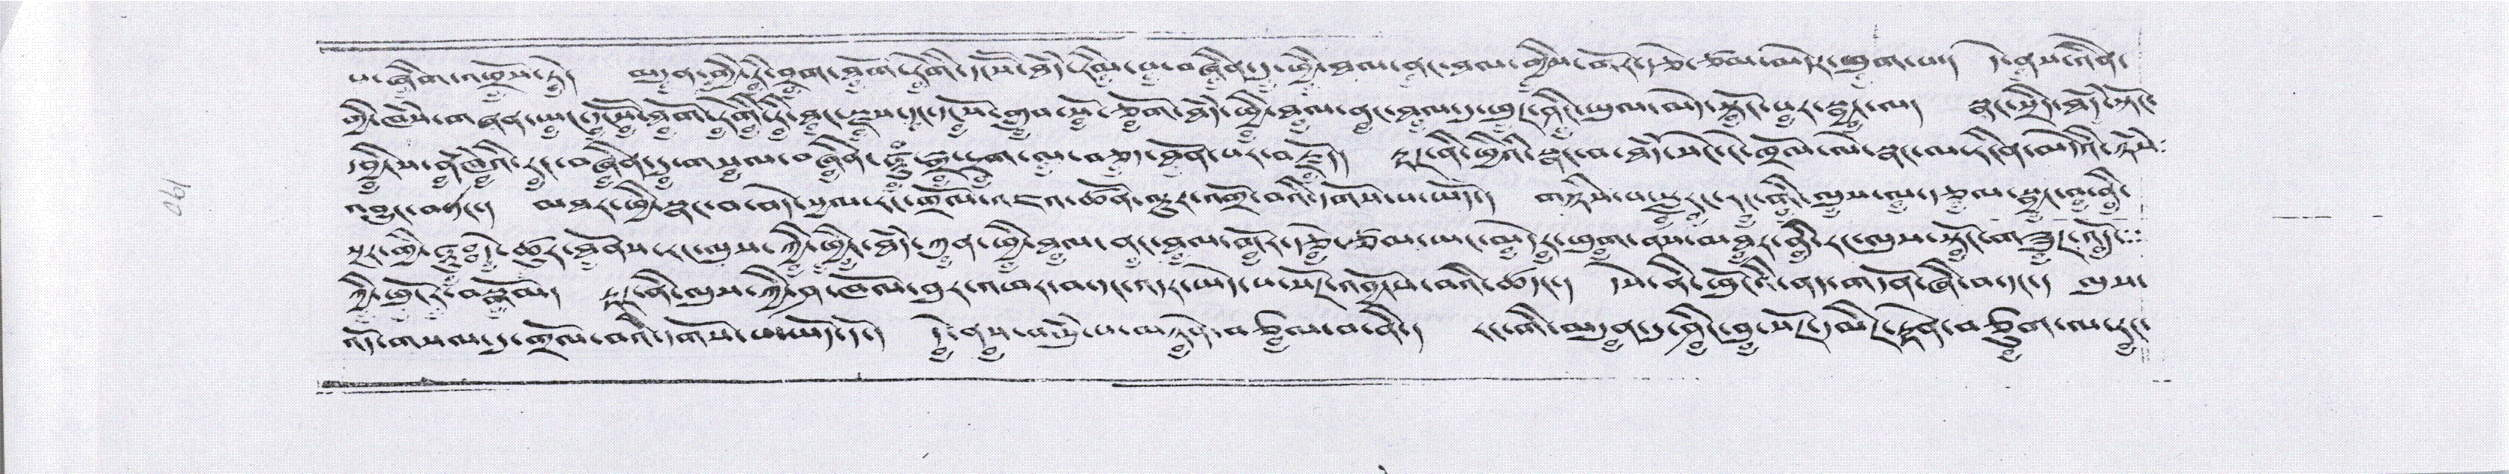ཞིག་འཕྲོས་ཏེ། མདུན་གྱི་རི་བྲག་ཐོག་རེག་གི་དངོས་པོ་ཐམས་ཅད་རིམ་པ་བཞིན་དུ་ཕྱི་ཐལ་ནང་ཐལ་གྱིས་གོར་ཙེ་ཙམ་མེད་པར་ཕུག་པ། དེ་ནས་འཇིག་རྟེན་
གྱི་ཁམས་གཞན་ཡང་དངོས་པོ་ཐོག་རེག་གི་རི་ཐང་རྫས་དང་དངོས་གྲུབ་སོ་ཅོག་ཐམས་ཅད་ཕྱི་ཐལ་ནང་ཐལ་དུ་ཕུགས་ཤིང་ཡུལ་མེད་སྟོང་པར་སྦྱང་ལ། སྣང་སྲིད་ཐམས་ཅད་སྟོང་
དབྱིངས་ནམ་མཁའི་རང་བཞིན་གསལ་བཞིན་ཧཱུཾ་སྒྲ་དྲག་ལ་བཅད་ཐོན་པར་བརྗོད། རྟགས་ནི་ཕྱི་ཡི་སྣང་བ་ཐམས་ཅད་སེང་ངེ་ཁྲོལ་ལེ་སྣང་ལ་རང་བཞིན་མེད་པའི་ཉམས་
འབྱུང་བ་དང་། མཐར་གྱི་སྣང་བ་བདེ་གསལ་རང་གྲོལ་འཇའ་ཚོན་ལྟ་བུར་འགྲོ་བའི་དགོས་པ་ཡོད། གཉིས་པ་སླར་ཡང་རང་གི་ལུས་ལ་རྩལ་སྦྱང་བ་ནི། 
སྔར་གྱི་ཧཱུཾ་དེ་ཕྱིར་ཐོན་ནས་རང་ལུས་ཀྱི་ཕྱི་ནང་ཐམས་ཅད་ཀུན་ཕྱི་ཐལ་ནང་ཐལ་གོལ་ཙེ་ཙམ་ཡང་མེད་པར་ཕུག་ནས་མཐར་ནི་རང་ལུས་སྟོང་གཟུགས་འོད་
གསལ་གྱི་ཕུང་པོར་བསྒོམ། རྟགས་ནི་ལུས་ཀྱི་ཤ་ཁོལ་བུར་འཕར་བ་དང་འདར་ཡེད་པ་སོགས་འབྱོངས་བའི་ཚད་དང་། དེས་ནི་ཕུང་པོའི་ནད་གདོན་ཞི་བ་དང་། ལུས་
འོད་གསལ་དུ་གྲོལ་པའི་དགོས་པ་ཡོད་དོ། དེ་ནས་གསུམ་པ་མཉེན་བཙལ་བ་ནི། རང་གི་མདུན་དུ་ཤིང་བུ་སོགས་དམིགས་རྟེན་བཙུགས་ལ་རང་